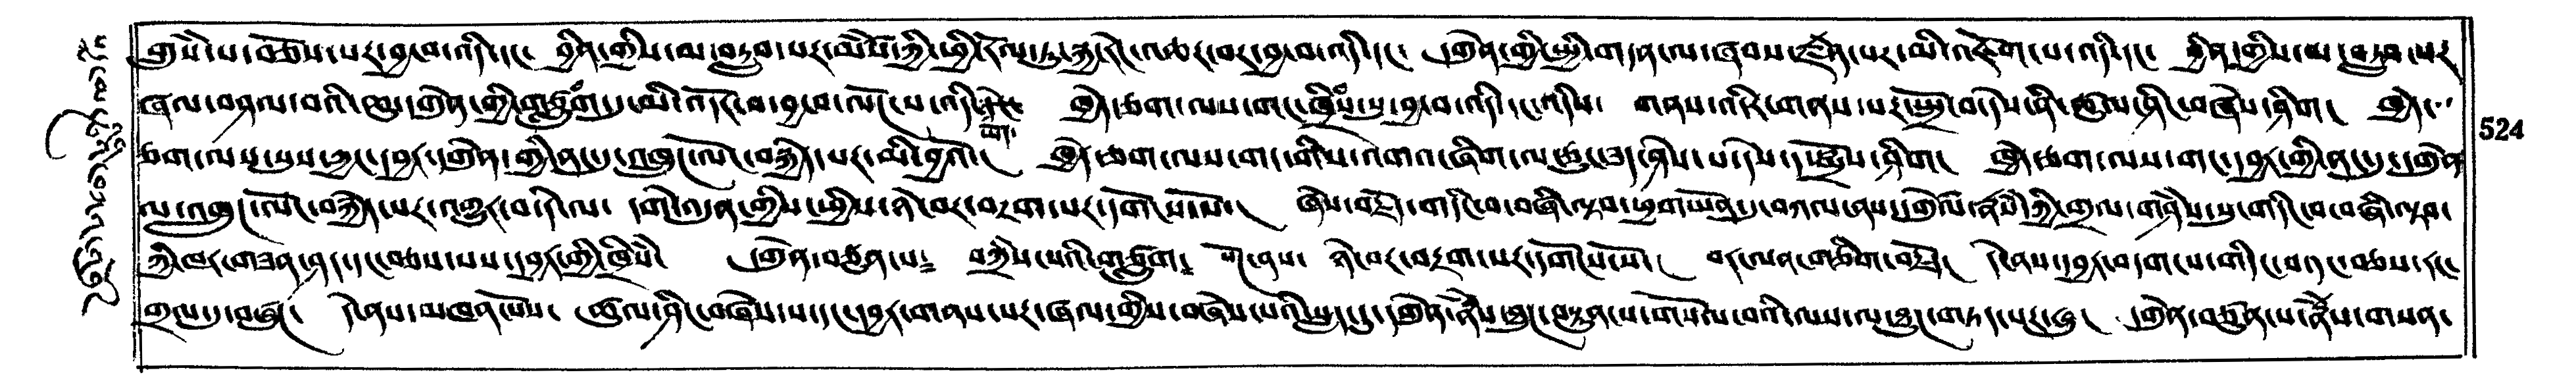གྲུམ་པ་བཅོས་པར་བྱ་བ་འདི་དང་། བྱིན་གྱིས་མ་བརླབས་པར་མཚམས་ཀྱི་ཕྱི་རོལ་ཏུ་སྐྱ་རེངས་འཆར་བར་བྱ་བ་འདི་དང་། དགེ་འདུན་གྱི་སྤྱིའི་གདན་ལ་ཞབས་རྗེན་པར་མི་འཇོག་པ་འདི་དང་། བྱིན་གྱིས་མ་བརླབས་པར་
ཞལ་བཤལ་བའི་ཆུ་དགེ་འདུན་གྱི་གཙུག་ལག་ཁང་དུ་མི་འདོར་བར་བྱ་བ་ལ་སོགས་པ་འདི་ཡོད། ཁྱེད་ཅག་ལས་གང་ཁྲིམས་སུ་བྱ་བ་འདི་དང་འདིས། གནས་འདིར་གནས་པར་སྤྲོ་བ་དེས་ནི་ཚུལ་ཤིང་བཞེས་ཤིག ཁྱེད་
ཅག་ལས་སུས་ཀྱང་དབྱར་དགེ་འདུན་གྱི་ནང་དུ་འཁྲུགས་ལོང་བསྐྱེད་པར་མི་བྱའོ།། ཁྱེད་ཅག་ལས་གང་གིས་འགའ་ཞིག་ལ་ཅུང་ཟད་ཤེས་པ་དེས་ད་སྨྲོས་ཤིག ཁྱེད་ཅག་ལས་གང་དབྱར་གྱི་ནང་དུ་དགེ་འདུན་
ལ་འཁྲུགས་ལོང་བསྐྱེད་པར་འགྱུར་བ་དེ་ལ། དགེ་འདུན་གྱིས་ཕྱིས་ཉེ་བར་བརྟག་པར་དགོངས་སོ།། ཞེས་བརྗོད་གདིང་བ་བཞི་བལྟབས་ཕྱག་གཡོན་དུ་བཀལ་ནས་དགེ་ཚུལ་རྣམས་ཀྱི་གྲལ་གཤམས་སུ་གདིང་བ་བཞི་བལྟབས་
ཀྱི་ཁར་གཟན་ཤད་དང་བཅས་པས་དབྱར་གྱི་ཁྲིམས། དགེ་འདུན་བཙུན་པ༴ བཀྲ་ཤིས་པའི་གཙུག་ལག༴ སོགས་ནས། ཉེ་བར་བརྟག་པར་དགོངས་སོ། བར་ལན་གཅིག་བརྗོད། དེ་ནས་དབྱར་བདག་པ་གདིང་བ་དང་བཅས་རང་
གྲལ་དུ་བཞུགས། དེ་ནས་མཁན་པོས། ཚུལ་ཤིང་བཞེས་པ་དང་དབྱར་གནས་པར་ཞལ་གྱིས་བཞེས་པའི་སླད་དུ་དགེ་འདུན་རྣམས་ཐུགས་བསྟུན་པ་གསོལ་བའི་ལས་ལ་ཐུགས་གཏད་པར་ཞུ། དགེ་འདུན་བཙུན་པ་རྣམས་གསན་